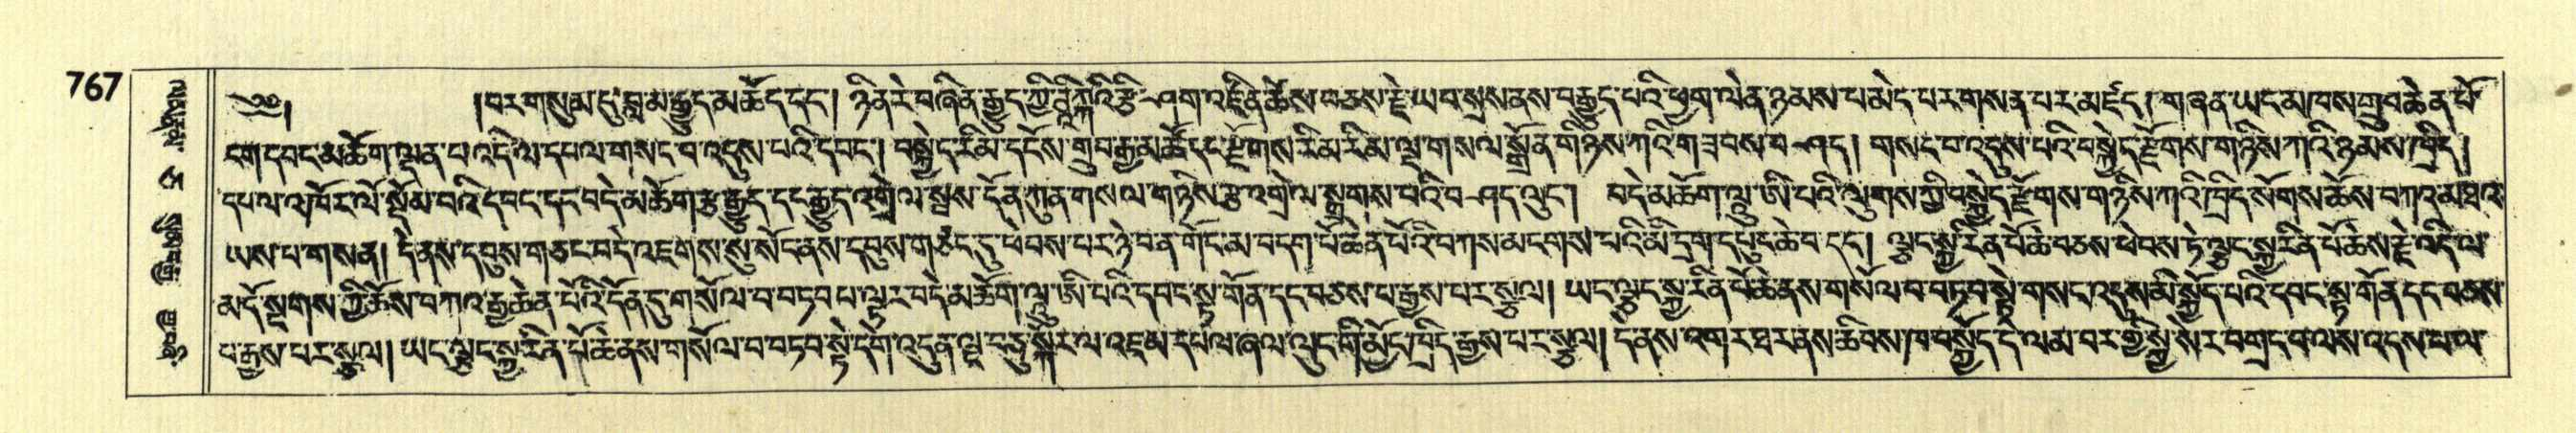༄༅། །བར་གསུམ་དུ་བླ་མ་རྒྱུད་མཆོད་དང་། ཉིན་རེ་བཞིན་རྒྱུད་ཀྱི་ཊཱིཀྐའི་རྩི་ཤག་འཛིན་ཚེས་བཅས་རྗེ་ཡབ་སྲས་ནས་བརྒྱུད་པའི་ཕྱག་ལེན་ཉམས་པ་མེད་པར་གསན་པར་མཛད། གཞན་ཡང་མཁས་གྲུབ་ཆེན་པོ་
ངག་དབང་མཆོག་ལྡན་པ་འདི་ལ་དཔལ་གསང་བ་འདུས་པའི་དབང་། བསྐྱེད་རིམ་དངོས་གྲུབ་རྒྱ་མཚོ་དང་རྫོགས་རིམ་རིམ་ལྔ་གསལ་སྒྲོན་གཉིས་ཀའི་གཟབས་བཤད། གསང་བ་འདུས་པའི་བསྐྱེད་རྫོགས་གཉིས་ཀའི་ཉམས་ཁྲིད།
དཔལ་འཁོར་ལོ་སྡོམ་བའི་དབང་དང་བདེ་མཆོག་རྩ་རྒྱུད་དང་རྒྱུད་འགྲེལ་སྦས་དོན་ཀུན་གསལ་གཉིས་རྩ་འགྲེལ་སྒྲགས་པའི་བཤད་ལུང་། བདེ་མཆོག་ལཱུ་ཨི་པའི་ལུགས་ཀྱི་བསྐྱེད་རྫོགས་གཉིས་ཀའི་ཁྲིད་སོགས་ཆོས་བཀའ་མཐའ་
ཡས་པ་གསན། དེ་ནས་དབུས་གཅང་བདེ་འཇགས་སུ་སོང་ནས་དབུས་གཙང་དུ་ཕེབས་པར་ཉེ་བ་ན་གོང་མ་བདག་པོ་ཆེན་པོའི་བཀས་མངགས་པའི་མི་དྲག་དཔུང་ཆེ་བ་དང་། ལྕང་སྐྱ་རིན་པོ་ཆེ་བཅས་ཕེབས་ཏེ་ལྕང་སྐྱ་རིན་པོ་ཆེས་རྗེ་འདི་ལ་
མདོ་སྔགས་ཀྱི་ཆོས་བཀའ་རྒྱ་ཆེན་པོའི་དོན་དུ་གསོལ་བ་བཏབ་པ་ལྟར་བདེ་མཆོག་ལཱུ་ཨི་པའི་དབང་སྟ་གོན་དང་བཅས་པ་རྒྱས་པར་སྩལ། ཡང་ལྕང་སྐྱ་རིན་པོ་ཆེ་ནས་གསོལ་བ་བཏབ་སྟེ་གསང་འདུས་མི་སྐྱོད་པའི་དབང་སྟ་གོན་དང་བཅས་
པ་རྒྱས་པར་སྩལ། ཡང་ལྕང་སྐྱ་རིན་པོ་ཆེ་ནས་གསོལ་བ་བཏབ་སྟེ་དགེ་འདུན་ལྔ་བཅུ་སྐོར་ལ་འཇམ་དཔལ་ཞལ་ལུང་གི་མྱོང་ཁྲིད་རྒྱས་པར་སྩལ། དེ་ནས་འགར་ཐར་ནས་ཆིབས་ཁ་བསྐྱོད་དེ་ལམ་བར་གྱི་སྐྱ་སེར་བགྲང་བ་ལས་འདས་པ་ལ་